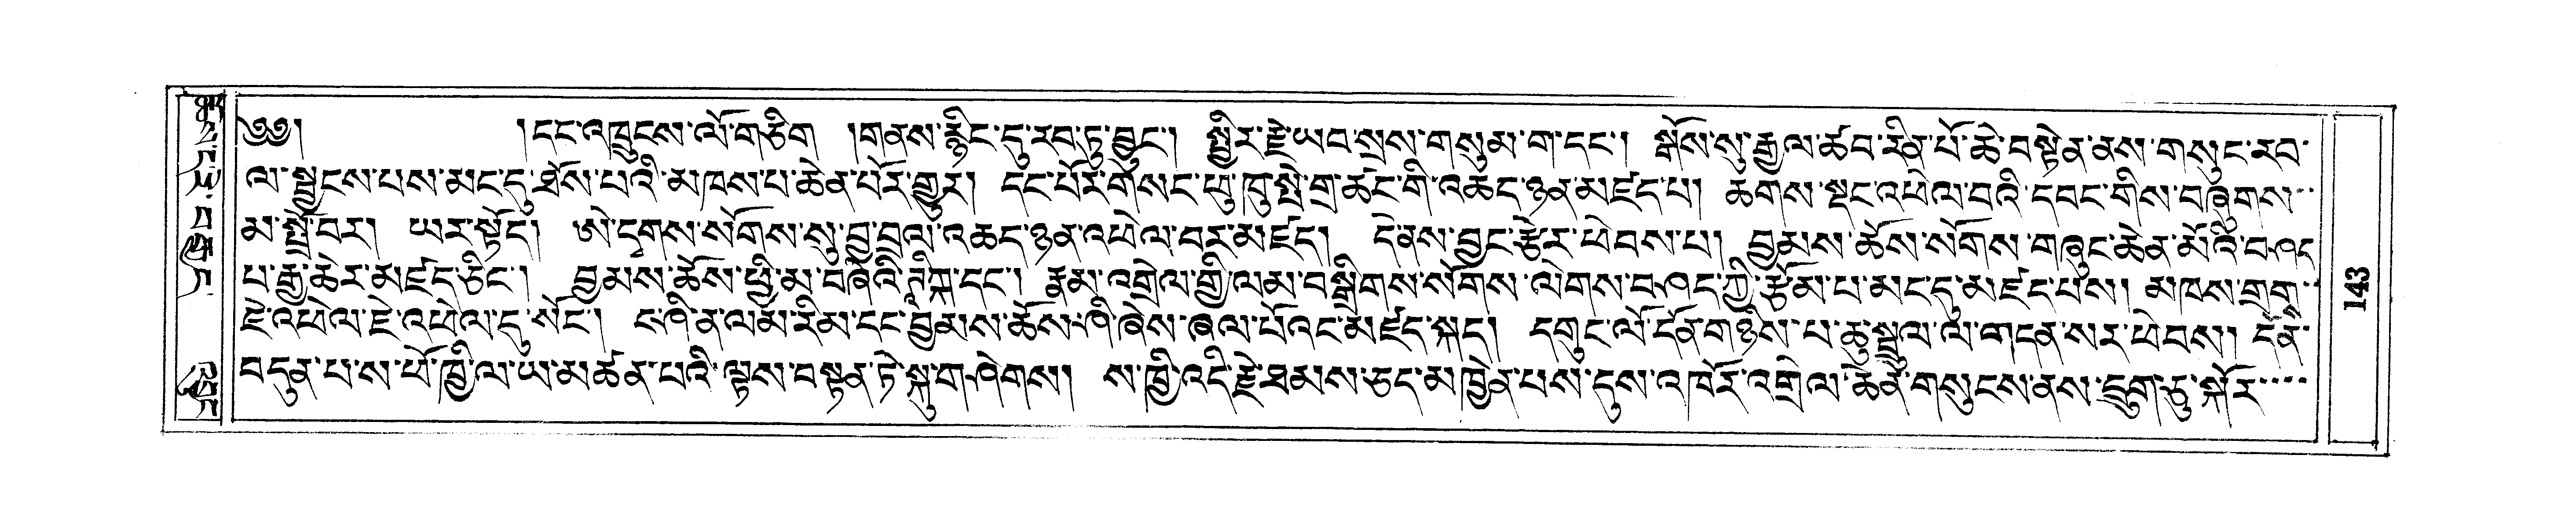༄༅། །དང་འཁྲུངས་ལོ་གཅིག །གནས་རྙིང་དུ་རབ་ཏུ་བྱུང་། སྤྱིར་རྗེ་ཡབ་སྲས་གསུམ་ག་དང་། སོགས་སུ་རྒྱལ་ཚབ་རིན་པོ་ཆེ་བསྟེན་ནས་གསུང་རབ་
ལ་སྦྱངས་པས་མང་དུ་ཐོས་པའི་མཁས་པ་ཆེན་པོར་གྱུར། དང་པོར་གསང་ཕུ་ཁུ་སྤེ་གྲ་ཚང་གི་འཆད་ཉན་མཛད་པ། ཆགས་སྡང་འཕེལ་བའི་དབང་གིས་བཞུགས་
མ་སྤྲོ་བར། ཡར་སྟོད། ཨེ་དྭགས་སོགས་སུ་བྱ་བྲལ་འཆད་ཉན་འཕེལ་བར་མཛད། དེ་ནས་བྱང་རྩེར་ཕེབས་པ། བྱམས་ཆོས་སོགས་གཞུང་ཆེན་མོའི་བཤད་
པ་རྒྱ་ཆེར་མཛད་ཅིང་། བྱམས་ཆོས་ཕྱི་མ་བཞིའི་ཊཱིཀྐ་དང་། རྣམ་འགྲེལ་གྱི་ལམ་བསྒྲིགས་སོགས་ལེགས་བཤད་ཀྱི་རྩོམ་པ་མང་དུ་མཛད་པས། མཁས་གྲགས་
ཇེ་འཕེལ་ཇེ་འཕེལ་དུ་སོང་། ང་ཤི་ན་ལམ་རིམ་དང་བྱམས་ཆོས་ཤི་ཞེས་ཞལ་པོའང་མཛད་སྐད། དགུང་ལོ་དོན་གཉིས་པ་ཆུ་སྤྲུལ་ལ་གདན་སར་ཕེབས། དོན་
བདུན་པ་ས་ཕོ་ཁྱི་ལ་ཡ་མཚན་པའི་ལྟས་བསྟན་ཏེ་སྐུ་གཤེགས། ས་ཁྱི་འདི་རྗེ་ཐམས་ཅད་མཁྱེན་པས་དུས་འཁོར་འགྲེལ་ཆེན་གསུངས་ནས་དྲུག་ཅུ་སྐོར་